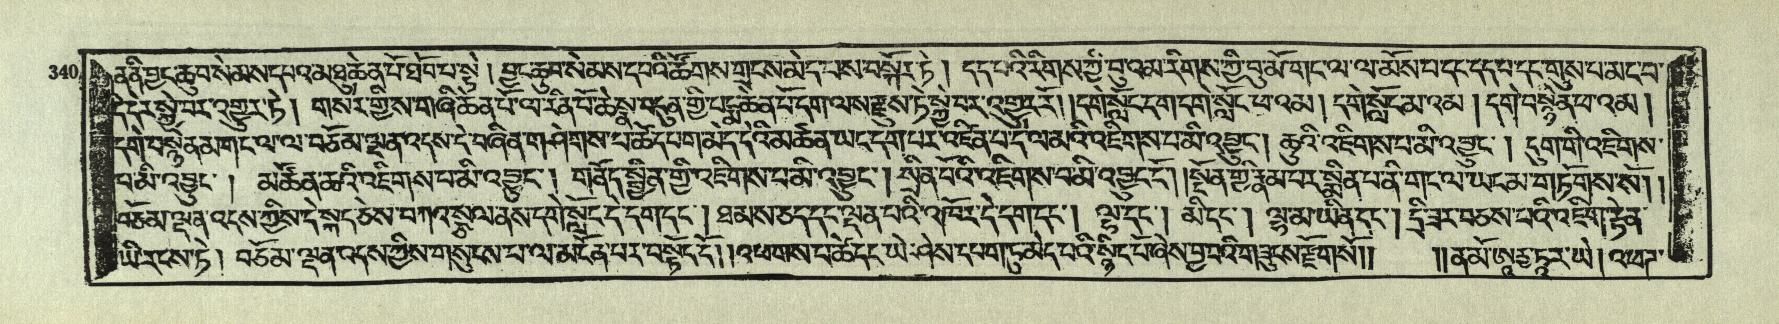ན་ནི་བྱང་ཆུབ་སེམས་དཔའ་མཐུ་ཆེན་པོ་ཐོབ་པ་སྟེ། བྱང་ཆུབ་སེམས་དཔའི་ཚོགས་གྲངས་མེད་པས་བསྐོར་ཏེ། དད་པའི་རིགས་ཀྱི་བུ་འམ་རིགས་ཀྱི་བུ་མོ་གང་ལ་ལ་མོས་པ་དང་དད་པ་དང་གུས་པ་མང་བ་
དེ་དེར་སྐྱེ་བར་འགྱུར་ཏེ། གསེར་གྱིས་གཞི་ཆེན་པོ་ལ་རིན་པོ་ཆེ་སྣ་བདུན་གྱི་པདམ་ཆེན་པོ་དག་ལས་རྫུས་ཏེ་སྐྱེ་བར་འགྱུར་རོ། །དགེ་སློང་དག་དགེ་སློང་ཕ་འམ། དགེ་སློང་མ་འམ། དགེ་བསྙེན་ཕ་འམ།
དགེ་བསྙེན་མ་གང་ལ་ལ་བཅོམ་ལྡན་འདས་དེ་བཞིན་གཤེགས་པ་ཚེ་དཔག་མེད་དེའི་མཚན་ཡང་དག་པར་འཛིན་པ་དེ་ལ་མའི་འཇིགས་པ་མི་འབྱུང་། ཆུའི་འཇིགས་པ་མི་འབྱུང་། དུག་གི་འཇིགས་
པ་མི་འབྱུང་། མཚོན་ཆའི་འཇིགས་པ་མི་འབྱུང་། གནོད་སྦྱིན་གྱི་འཇིགས་པ་མི་འབྱུང་། སྲིན་པོའི་འཇིགས་བ་མི་འབྱུང་ངོ། །སྔོན་གྱི་རྣམ་པར་སྨིན་པ་ནི་གང་ལ་ཡང་མ་གཏོགས་སོ། །
བཅོམ་ལྡན་འདས་ཀྱིས་དེ་སྐད་ཅེས་བཀའ་སྩལ་ནས་དགེ་སློང་དེ་དག་དང་། ཐམས་ཅད་དང་ལྡན་པའི་འཁོར་དེ་དག་དང་། ལྷ་དང་། མི་དང་། ལྷ་མ་ཡིན་དང་། དྲི་ཟར་བཅས་པའི་འཇིག་རྟེན་
ཡི་རངས་ཏེ། བཅོམ་ལྡན་འདས་ཀྱིས་གསུངས་པ་ལ་མངོན་པར་བསྟོད་དོ། །འཕགས་པ་ཚེ་དང་ཡེ་ཤེས་དཔག་ཏུ་མེད་པའི་སྙིང་པོ་ཞེས་བྱ་བའི་གཟུངས་རྫོགས་སོ།། །།ན་མོ་ཨཱརྱ་ཏཱ་ར་ཡེ། འཕཌ་